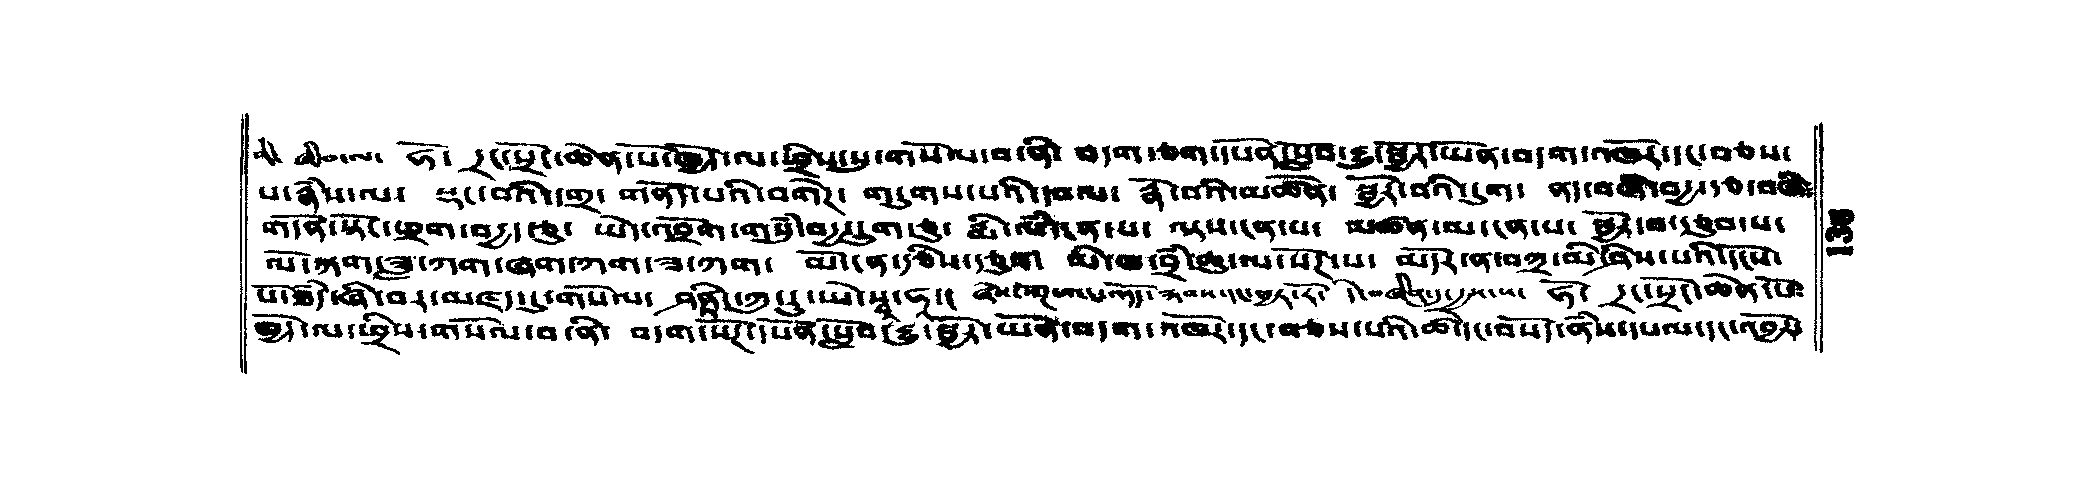ནི། ཞི་བ་ལ། ཧོ། དྲང་སྲོང་ཆེན་པོ་ཁྱོད་ལ་ཕྲིན་ལས་སུ་གསོལ་བ་ནི། བདག་ཅག་དཔོན་སློབ་རྒྱུ་སྦྱོར་ཡོན་བདག་འཁོར་བཅས་
པ་རྣམས་ལ། སྡང་བའི་དགྲ་གནོད་པའི་བགེགས། གདུགས་པའི་དབལ། རྣོ་བའི་མཚོན། སྦྱོར་བའི་དུག་ནད་བཞི་བརྒྱ་རྩ་བཞི། 
གདོན་སྟོང་ཕྲག་བརྒྱད་ཅུ། ཡེ་འབྲོག་སུམ་རྒྱ་དྲུག་ཅུ། རྨི་ལས་ངན་པ། ལྟས་ངན་པ། མཚན་མ་ངན་པ། སྦྱོར་བ་རྩུབ་པ། 
ལོ་སྐག་ཟླ་ཀག་ཞག་ཀག་ཟ་ཀག་མོ་ངན་རྩིས་རྩུབ། མི་ཁ་བྲམ་ཆུ་ལ་སོགས་པ། མདོར་ན་བཀྲ་མི་ཤིས་པའི་དངོས་
པོ་ཐམས་ཅད་ཞི་བར་མཛད་དུ་གསོལ།ཤནྟིང་ཀུ་རུ་ཡེ་སྭཱ་ཧཱ། ཞེས་སོགས་གང་འདོད་སྐབས་དང་སྦྱར་རོ། དེ་བཞིན་དུ་རྒྱས་པ། ཧོ། དྲང་སྲོང་ཆེན་པོ་
ཁྱོད་ལ་ཕྲིན་ལས་གསོལ་བ་ནི། །བདག་སོགས་དཔོན་སློབ་རྒྱུ་སྦྱོར་ཡོན་བདག་འཁོར་དང་བཅས་པའི་ཚེ་དང་བསོད་ནམས་དཔལ་དང་འབྱོར་